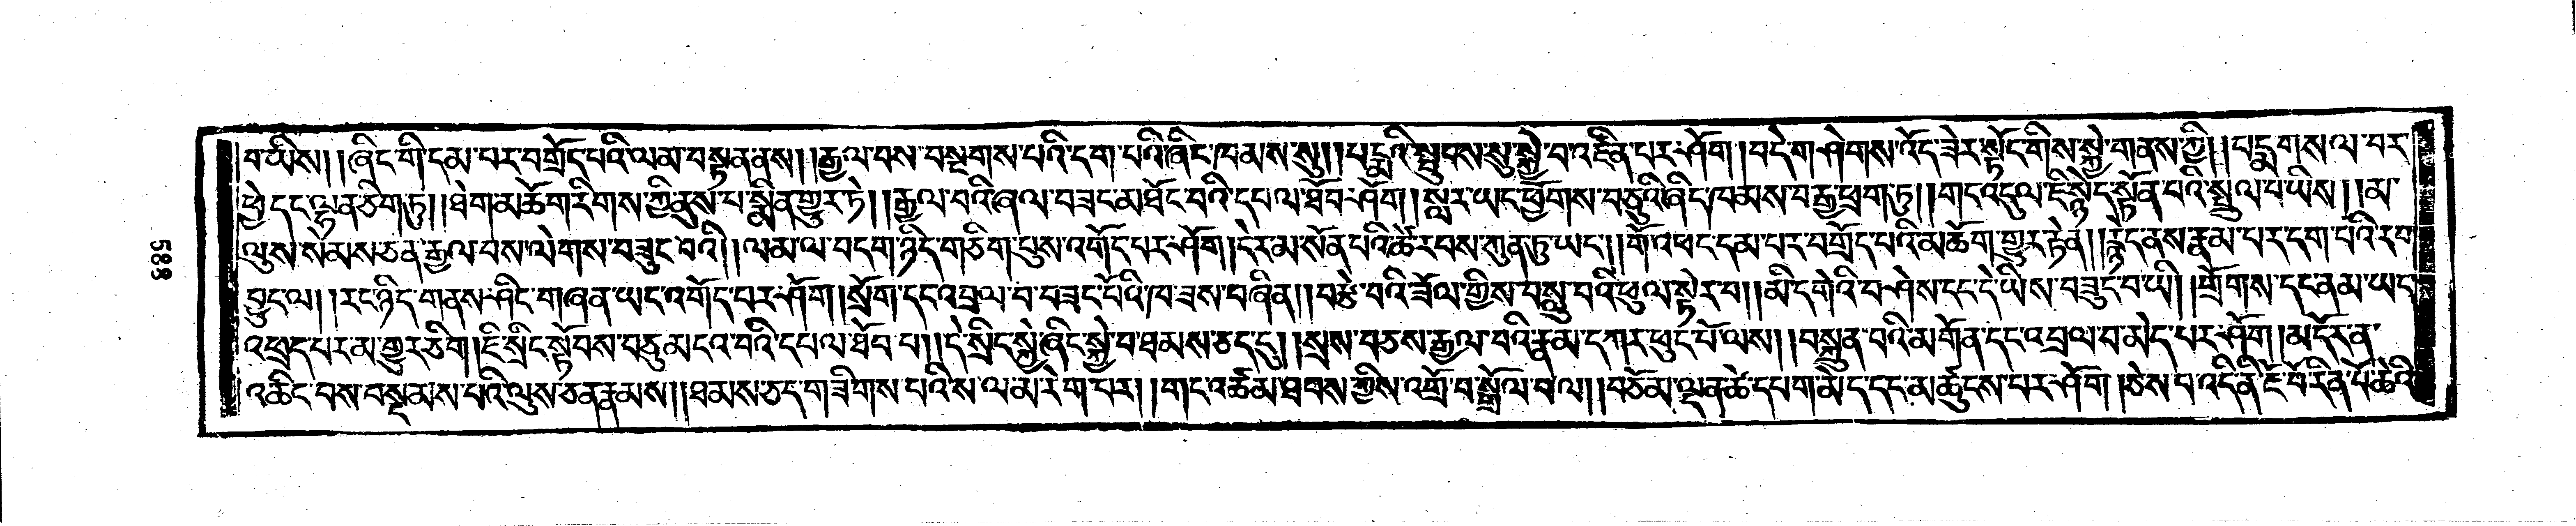བ་ཡིས། །ཞིང་གི་དམ་པར་བགྲོད་པའི་ལམ་བསྟན་ནས། །རྒྱལ་བས་བསྔགས་པའི་དག་པའི་ཞིང་ཁམས་སུ། །པདམའི་སྦུབས་སུ་སྐྱེ་བ་འཛིན་པར་ཤོག །བདེ་གཤེགས་འོད་ཟེར་སྟོང་གིས་སྐྱེ་གནས་ཀྱི། །པདམ་གསལ་བར་
ཕྱེ་དང་ལྷན་ཅིག་ཏུ། །ཐེག་མཆོག་རིགས་ཀྱི་ནུས་པ་སྨིན་གྱུར་ཏེ། །རྒྱལ་བའི་ཞལ་བཟང་མཐོང་བའི་དཔལ་ཐོབ་ཤོག །སླར་ཡང་ཕྱོགས་བཅུའི་ཞིང་ཁམས་བརྒྱ་ཕྲག་ཏུ། །གང་འདུལ་ཇི་སྙེད་སྟོན་པའི་སྤྲུལ་པ་ཡིས། །མ་
ལུས་སེམས་ཅན་རྒྱལ་བས་ལེགས་བཟུང་བའི། །ལམ་ལ་བདག་ཉིད་གཅིག་པུས་འགོད་པར་ཤོག །དེར་མ་སོན་པའི་ཚེ་རབས་ཀུན་ཏུ་ཡང་། །གོ་འཕང་དམ་པར་བགྲོད་པའི་མཆོག་གྱུར་རྟེན། །རྙེད་ནས་རྣམ་པར་དག་པའི་རབ་
བྱུང་ལ། །རང་ཉིད་གནས་ཤིང་གཞན་ཡང་འགོད་པར་ཤོག །སྲོག་དང་འབྲལ་བ་བཟང་པོའི་ཁ་ཟས་བཞིན། །བརྩེ་བའི་ཟོལ་གྱིས་བསླུ་བའི་ཕུལ་སྟེར་བ། །མི་དགེའི་བཤེས་དང་དེ་ཡིས་བཟུང་བ་ཡི། །གྲོགས་དང་ནམ་ཡང་
འཕྲད་པར་མ་གྱུར་ཅིག །ཇི་སྲིད་སྟོབས་བཅུ་མངའ་བའི་དཔལ་ཐོབ་པ། །དེ་སྲིད་སྐྱེ་ཞིང་སྐྱེ་བ་ཐམས་ཅད་དུ། །སྲས་བཅས་རྒྱལ་བའི་རྣམ་དཀར་ཕུང་པོ་ལས། །བསྐྲུན་པའི་མགོན་དང་འབྲལ་བ་མེད་པར་ཤོག །མདོར་ན་
འཆིང་བས་བསྔམས་པའི་ལུས་ཅན་རྣམས། །ཐམས་ཅད་གཟིགས་པའི་ས་ལ་མ་རེག་པར། །གང་འཚམ་ཐབས་ཀྱིས་འགྲོ་བ་སྒྲོལ་བ་ལ། །བཅོམ་ལྡན་ཚེ་དཔག་མེད་དང་མཚུངས་པར་ཤོག །ཅེས་པ་འདི་ནི་ཇོ་བོ་རིན་པོ་ཆེའི་